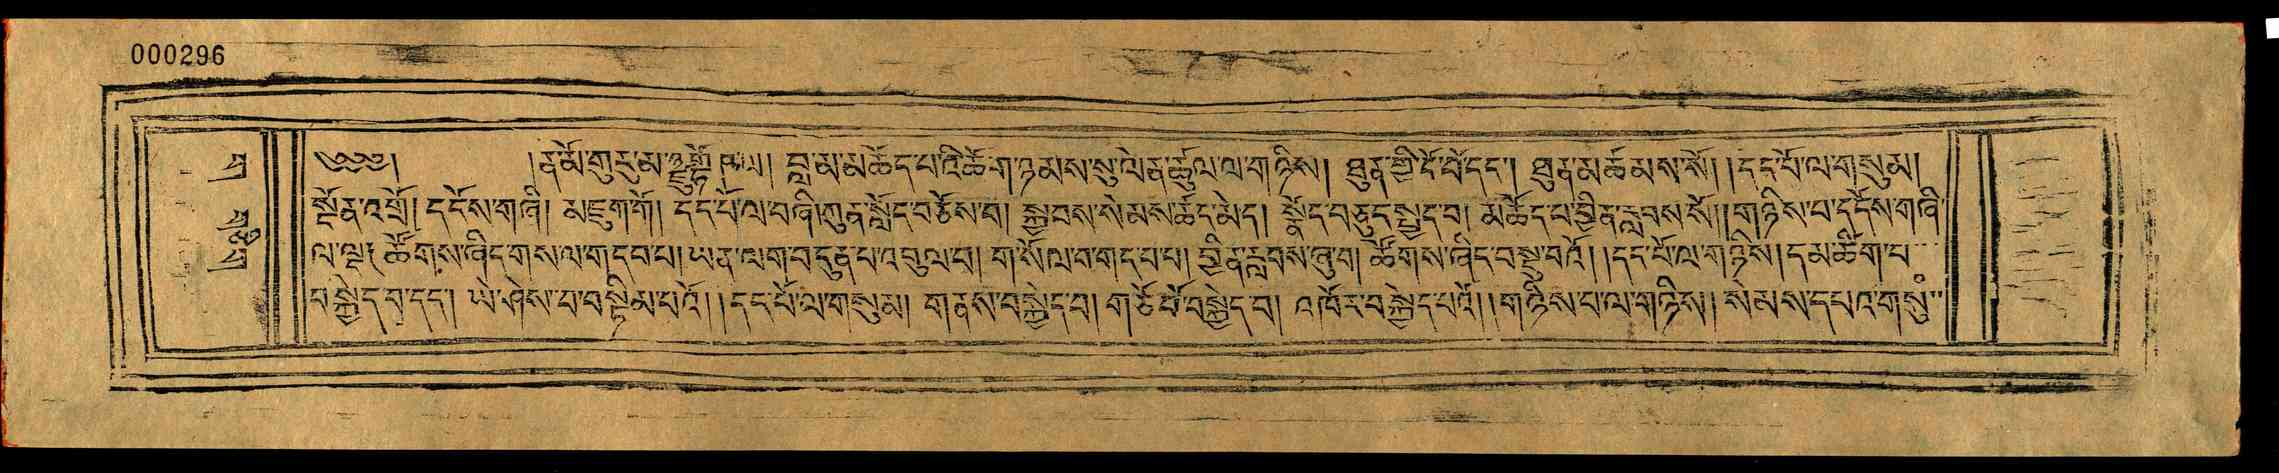༄༅༅། །ན་མོ་གུ་རུ་མཉྫུ་གྷོ་ཥཱ་ཡ། བླ་མ་མཆོད་པའི་ཆོ་ག་ཉམས་སུ་ལེན་ཚུལ་ལ་གཉིས། ཐུན་གྱི་ངོ་བོ་དང་། ཐུན་མཚམས་སོ། །དང་པོ་ལ་གསུམ།
སྔོན་འགྲོ། དངོས་གཞི། མཇུག་གོ། དང་པོ་ལ་བཞི། ཀུན་སློང་བཅོས་པ། སྐྱབས་སེམས་ཚད་མེད། སྣོད་བཅུད་སྦྱང་པ། མཆོད་པ་བྱིན་རླབས་སོ། །གཉིས་པ་དངོས་གཞི་
ལ་ལྔ། ཚོགས་ཞིང་གསལ་གདབ་པ། ཡན་ལག་བདུན་པ་འབུལ་བ། གསོལ་བ་གདབ་པ། བྱིན་རླབས་ཞུ་བ། ཚོགས་ཞིང་བསྡུ་བའོ། །དང་པོ་ལ་གཉིས། དམ་ཚིག་པ་
བསྐྱེད་པ་དང་། ཡེ་ཤེས་པ་བསྟིམ་པའོ། །དང་པོ་ལ་གསུམ། གནས་བསྐྱེད་པ། གཙོ་བོ་བསྐྱེད་པ། འཁོར་བསྐྱེད་པའོ། །གཉིས་པ་ལ་གཉིས། སེམས་དཔའ་གསུཾ་